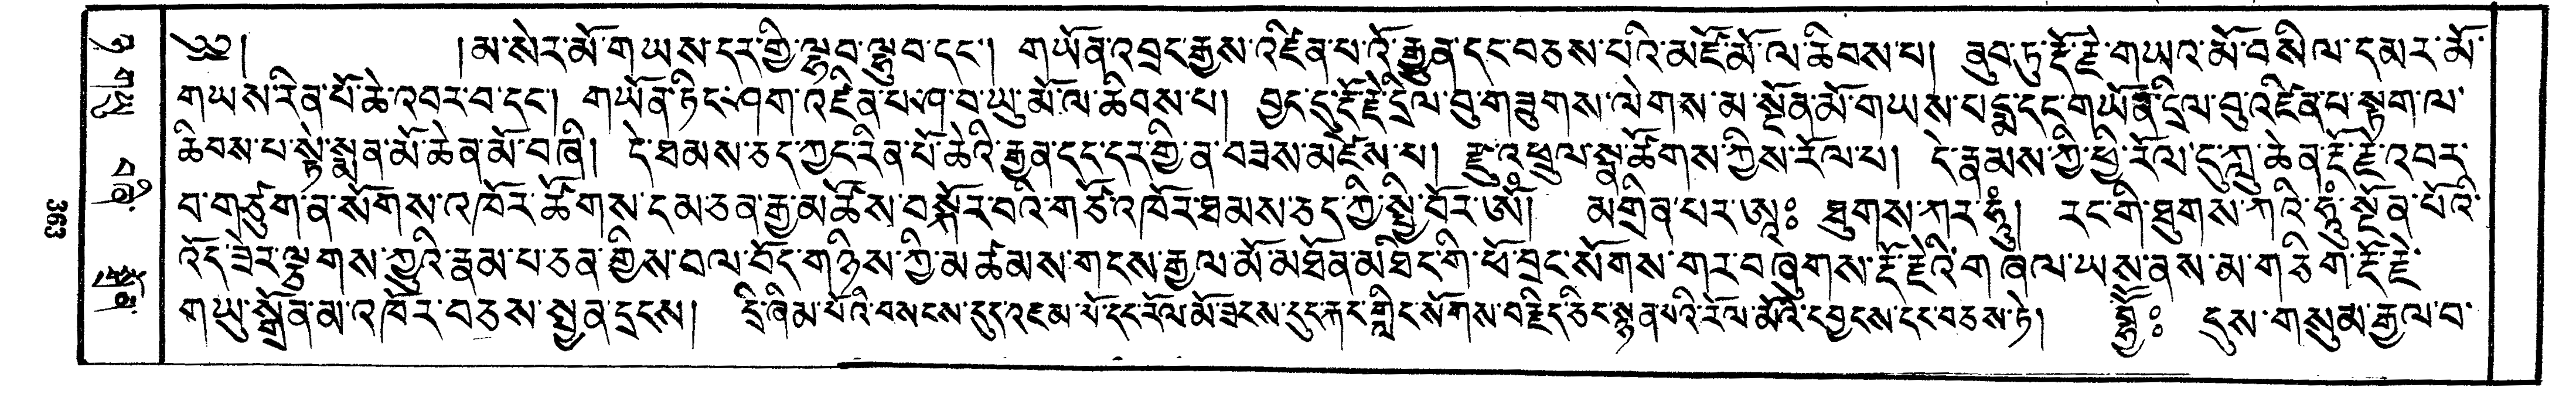༄༅། །མ་སེར་མོ་གཡས་དར་གྱི་ལྷབ་ལྷུབ་དང་། གཡོན་འབྲང་རྒྱས་འཛིན་པ་འོ་རྒྱུན་དང་བཅས་པའི་མཛོ་མོ་ལ་ཆིབས་པ། ནུབ་ཏུ་རྡོ་རྗེ་གཡའ་མོ་བསིལ་དམར་མོ་
གཡས་རིན་པོ་ཆེ་འབར་བ་དང་། གཡོན་ཏིང་ཤག་འཛིན་པ་ཤ་བ་ཡུ་མོ་ལ་ཆིབས་པ། བྱང་དུ་རྡོ་རྗེ་དྲིལ་བུ་གཟུགས་ལེགས་མ་སྔོན་མོ་གཡས་པདམ་དང་གཡོན་དྲིལ་བུ་འཛིན་པ་སྟག་ལ་
ཆིབས་པ་སྟེ་སྨན་མོ་ཆེན་མོ་བཞི། དེ་ཐམས་ཅད་ཀྱང་རིན་པོ་ཆེའི་རྒྱན་དང་དར་གྱི་ན་བཟས་མཛེས་པ། རྫུ་འཕྲུལ་སྣ་ཚོགས་ཀྱིས་རོལ་པ། དེ་རྣམས་ཀྱི་ཕྱི་རོལ་དུ་ཀླུ་ཆེན་རྡོ་རྗེ་འབར་
བ་གཙུག་ན་སོགས་འཁོར་ཚོགས་དམ་ཅན་རྒྱ་མཚོས་བསྐོར་བའི་གཙོ་འཁོར་ཐམས་ཅད་ཀྱི་སྤྱི་བོར་ཨོཾ། མགྲིན་པར་ཨཱཿ ཐུགས་ཀར་ཧཱུཾ། རང་གི་ཐུགས་ཀའི་ཧཱུཾ་སྔོན་པོའི་
འོད་ཟེར་ལྕགས་ཀྱུའི་རྣམ་པ་ཅན་གྱིས་བལ་བོད་གཉིས་ཀྱི་མཚམས་གངས་རྒྱལ་མོ་མཐོན་མཐིང་གི་ཕོ་བྲང་སོགས་གར་བཞུགས་རྡོ་རྗེའི་གཞལ་ཡས་ནས་མ་གཅིག་རྡོ་རྗེ་
གཡུ་སྒྲོན་མ་འཁོར་བཅས་སྤྱན་དྲངས། དྲི་ཞིམ་པོའི་བསངས་དུད་འཇམ་པོ་དང་རོལ་མོ་ཟངས་དུང་རྐང་གླིང་སོགས་བརྗིད་ཅིང་སྙན་བའི་རོལ་མོའི་དབྱངས་དང་བཅས་ཏེ། བྷྱཽཿ དུས་གསུམ་རྒྱལ་བ་